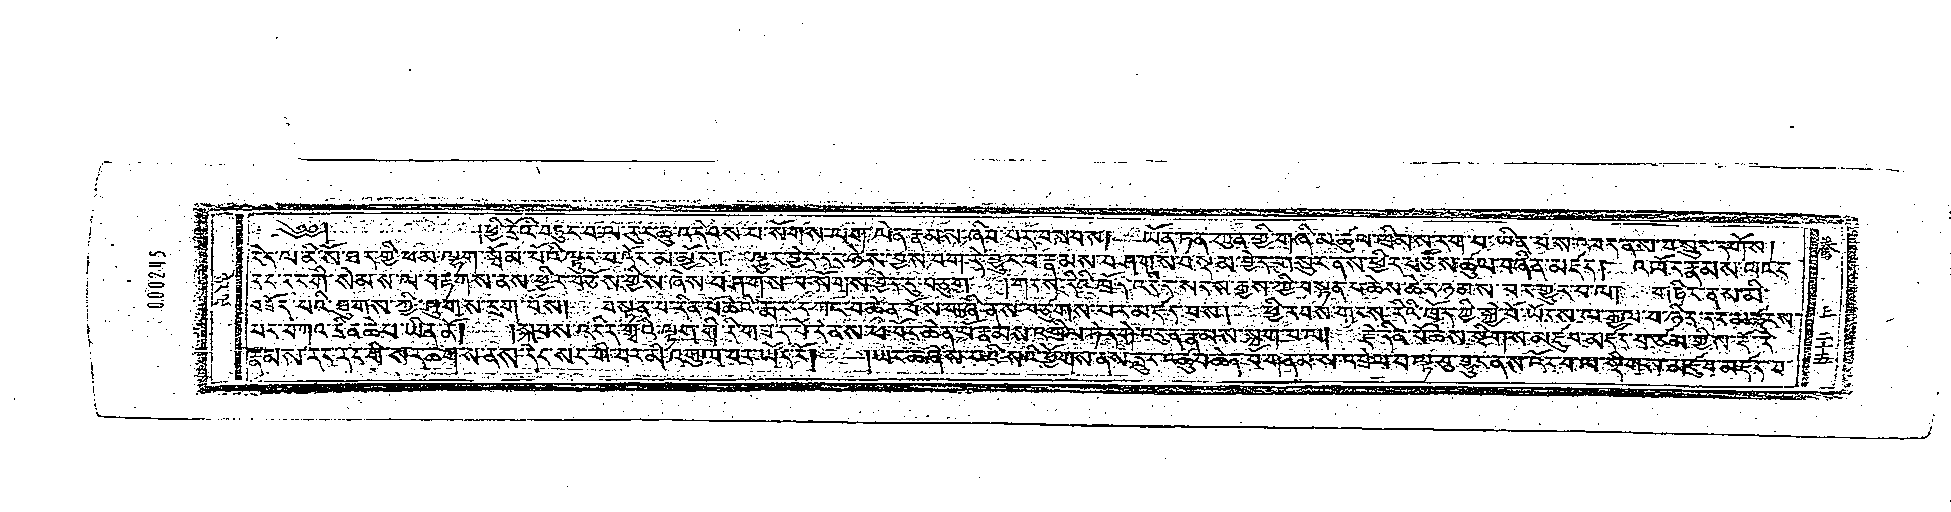༄༅། །ཕྱི་དྲོའི་བཏུང་བ་ལ་རུང་ཆུ་འདེབས་པ་སོགས་ལག་ལེན་རྣམས་ཞིབ་པར་བསླབས། ཡོན་ཏན་ཀུན་གྱི་གཞི་མ་ཚུལ་ཁྲིམས་དག་པ་ཡིན་པས་འབད་ནས་བསྲུང་དགོས།
ངེད་ལ་ནི་སོ་ཐར་གྱི་ཕམ་ལྷག་སྦོམ་པོའི་ལྟར་བ་འོང་མ་མྱོང་། ལྟུང་བྱེད་དང་ཉེས་བྱས་བག་རེ་བྱུང་བ་རྣམས་བཤགས་བསྡམ་བྱེད་གསུང་ནས་ཕྱིར་བཅོས་ཚུལ་བཞིན་མཛད། འཁོར་རྣམས་ལའང་
རང་རང་གི་སེམས་ལ་བརྟགས་ནས་ཕྱིར་བཅོས་གྱིས་ཞེས་བཤགས་པ་སོགས་བྱེད་དུ་བཅུག །གངས་རིའི་ཁྲོད་འདིར་སངས་རྒྱས་ཀྱི་བསྟན་པ་ཆེས་ཆེར་ཉམས་པར་གྱུར་པ་ལ། གཏིང་ནས་མི་
བཟོད་པའི་ཐུགས་ཀྱི་ཤུགས་དྲག་པོས། བསྟན་པ་རིན་པོ་ཆེའི་རྨད་དཀའ་བ་ཆེན་པོས་གཞི་ནས་བཙུགས་པར་མཛད་པས། ཕྱི་རབས་གངས་རིའི་ཁྲོད་ཀྱི་སྐྱེ་བོ་ཡོངས་ལ་རྒྱལ་བ་ཉིད་དང་མཚུངས་
པར་བཀའ་དྲིན་ཆེ་བ་ཡིན་ནོ། །སྐབས་འདིར་གྲྭའི་ལྷག་གི་རི་གཟར་པོ་དེ་ནས་ཕ་བོང་ཆེན་པོ་རྣམས་འགྲིལ་ཏེ་དགེ་འདུན་རྣམས་སྐྲག་པ་ལ། རྗེ་རིན་པོ་ཆེས་སྡིགས་མཛུབ་མཛད་པ་ཙམ་གྱིས་རྡོ་རྗེ་
རྣམས་རང་རང་གི་སར་ཆག་ས་ནས་དེང་སང་གི་པར་མི་འགུལ་བར་ཡོད་དོ། །ཡང་ཆ་ཞེས་པའི་སའི་ཕྱོགས་ནས་རླུང་འཚུབ་ཆེན་པོ་གནམ་ས་འབྲེལ་བ་ལྟ་བུ་བྱུང་ནས་འོད་བ་ལ་སྡིགས་མཛུབ་མཛད་པ་